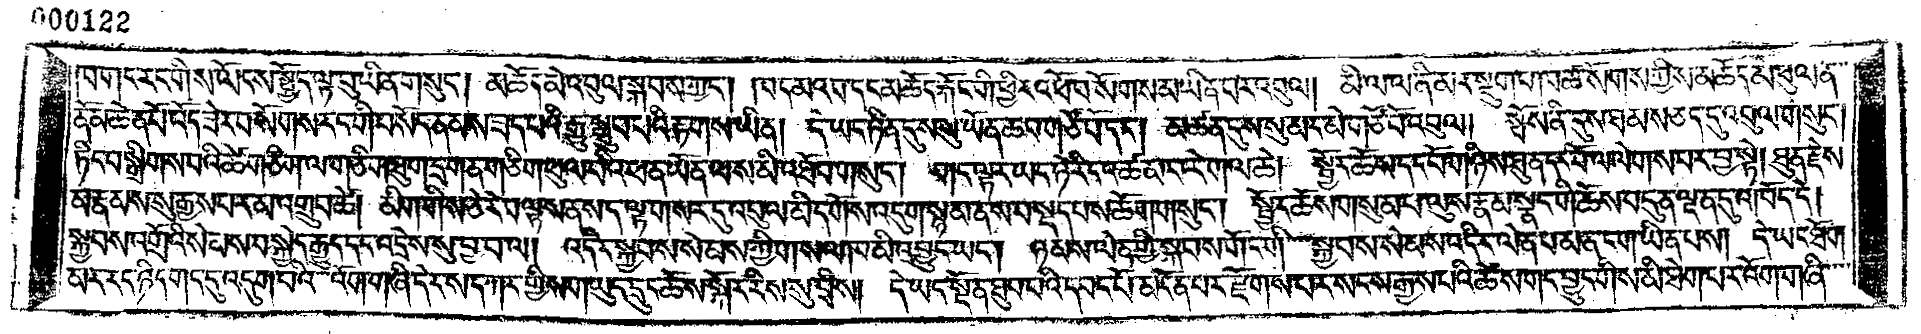ཁ་གང་རང་གིས་ལོངས་སྤྱོད་ལྟ་བུ་ཡིན་གསུང་། མཆོད་མེ་འབུལ་སྐབས་ཀྱང་། ཁ་མངའ་བ་དང་མཆོད་རྐོང་གི་ཕྱིར་འཕོ་བ་སོགས་མ་ཡིན་པར་འབུལ། མི་ལ་ལ་ནི་མར་སྡུག་པ་ཁ་ཚ་སོགས་ཀྱིས་མཆོད་མེ་ཕུལ་ན་
ནོམ་ཆེན་པོ་འོད་ཟེར་བ་སོགས་རང་གི་བསོད་ནམས་ཟད་པའི་རྒྱུ་སྒྲུབ་པའི་རྟགས་ཡིན། དེ་ཡང་ཉིན་དུས་སུ་ཡོན་ཆབ་གཙོ་བོ་དང་། མཚན་དུས་སུ་མར་མེ་གཙོ་བོ་འབུལ། སྤོས་ནི་དུས་ཐམས་ཅད་དུ་འབུལ་གསུང་།
ཏིང་བསྒྲིགས་བའི་ཚེ་གཅིག་ལ་གཅིག་ཐུག་དྲག་ན་གཅིག་ཕུལ་བའི་ཕན་ཡོན་ལས་མི་འཐོབ་གསུང་། གང་ལྟར་ཡང་ཉེ་རིང་འཚམ་བ་རེ་གལ་ཆེ། སྦྱོར་ཆོས་དང་པོ་གཉིས་ཐུན་དང་པོ་ལ་ལེགས་པར་བྱ་སྟེ། ཐུན་རྗེས་
མ་རྣམས་སུ་རྒྱས་པར་མ་འགྲུབ་ཚེ། མིག་གིས་ཅེ་རེ་བལྟས་ནས་ད་ལྟ་གསར་དུ་འབུལ་མི་དགོས་འདུག་སྙམ་ནས་བསྡད་པས་ཆོག་གསུང་། སྦྱོར་ཆོས་གསུམ་པ་ལུས་རྣམ་སྣང་གི་ཆོས་བདུན་ལྡན་དུ་འཁོད་དེ།
སྐྱབས་འགྲོའི་སེམས་བསྐྱེད་རྒྱུད་དང་འདྲེས་སུ་བྱ་བ་ལ། འདིར་སྐྱབས་སེམས་ཀྱི་གསལ་ཁ་མི་འབྱུང་ཡང་། ཉམས་ལེན་གྱི་སྐབས་གོང་གི་སྐྱབས་སེམས་འདིར་ལེན་པ་མན་ངག་ཡིན་པས། དེ་ཡང་ཐོག་
མར་རང་ཉིད་གང་དུ་འདུག་བའི་འོག་གཞི་དེར་ས་དཀར་གྱིས་གཡུང་དྲུང་ཆོས་སྐོར་རིས་སུ་བྲིས། དེ་ཡང་སྔོན་ཐུབ་པའི་དབང་པོ་མངོན་པར་རྫོགས་པར་སངས་རྒྱས་པའི་ཚེས་གང་བྱུང་གིས་མི་ཐེག་པར་འོག་གཞི་